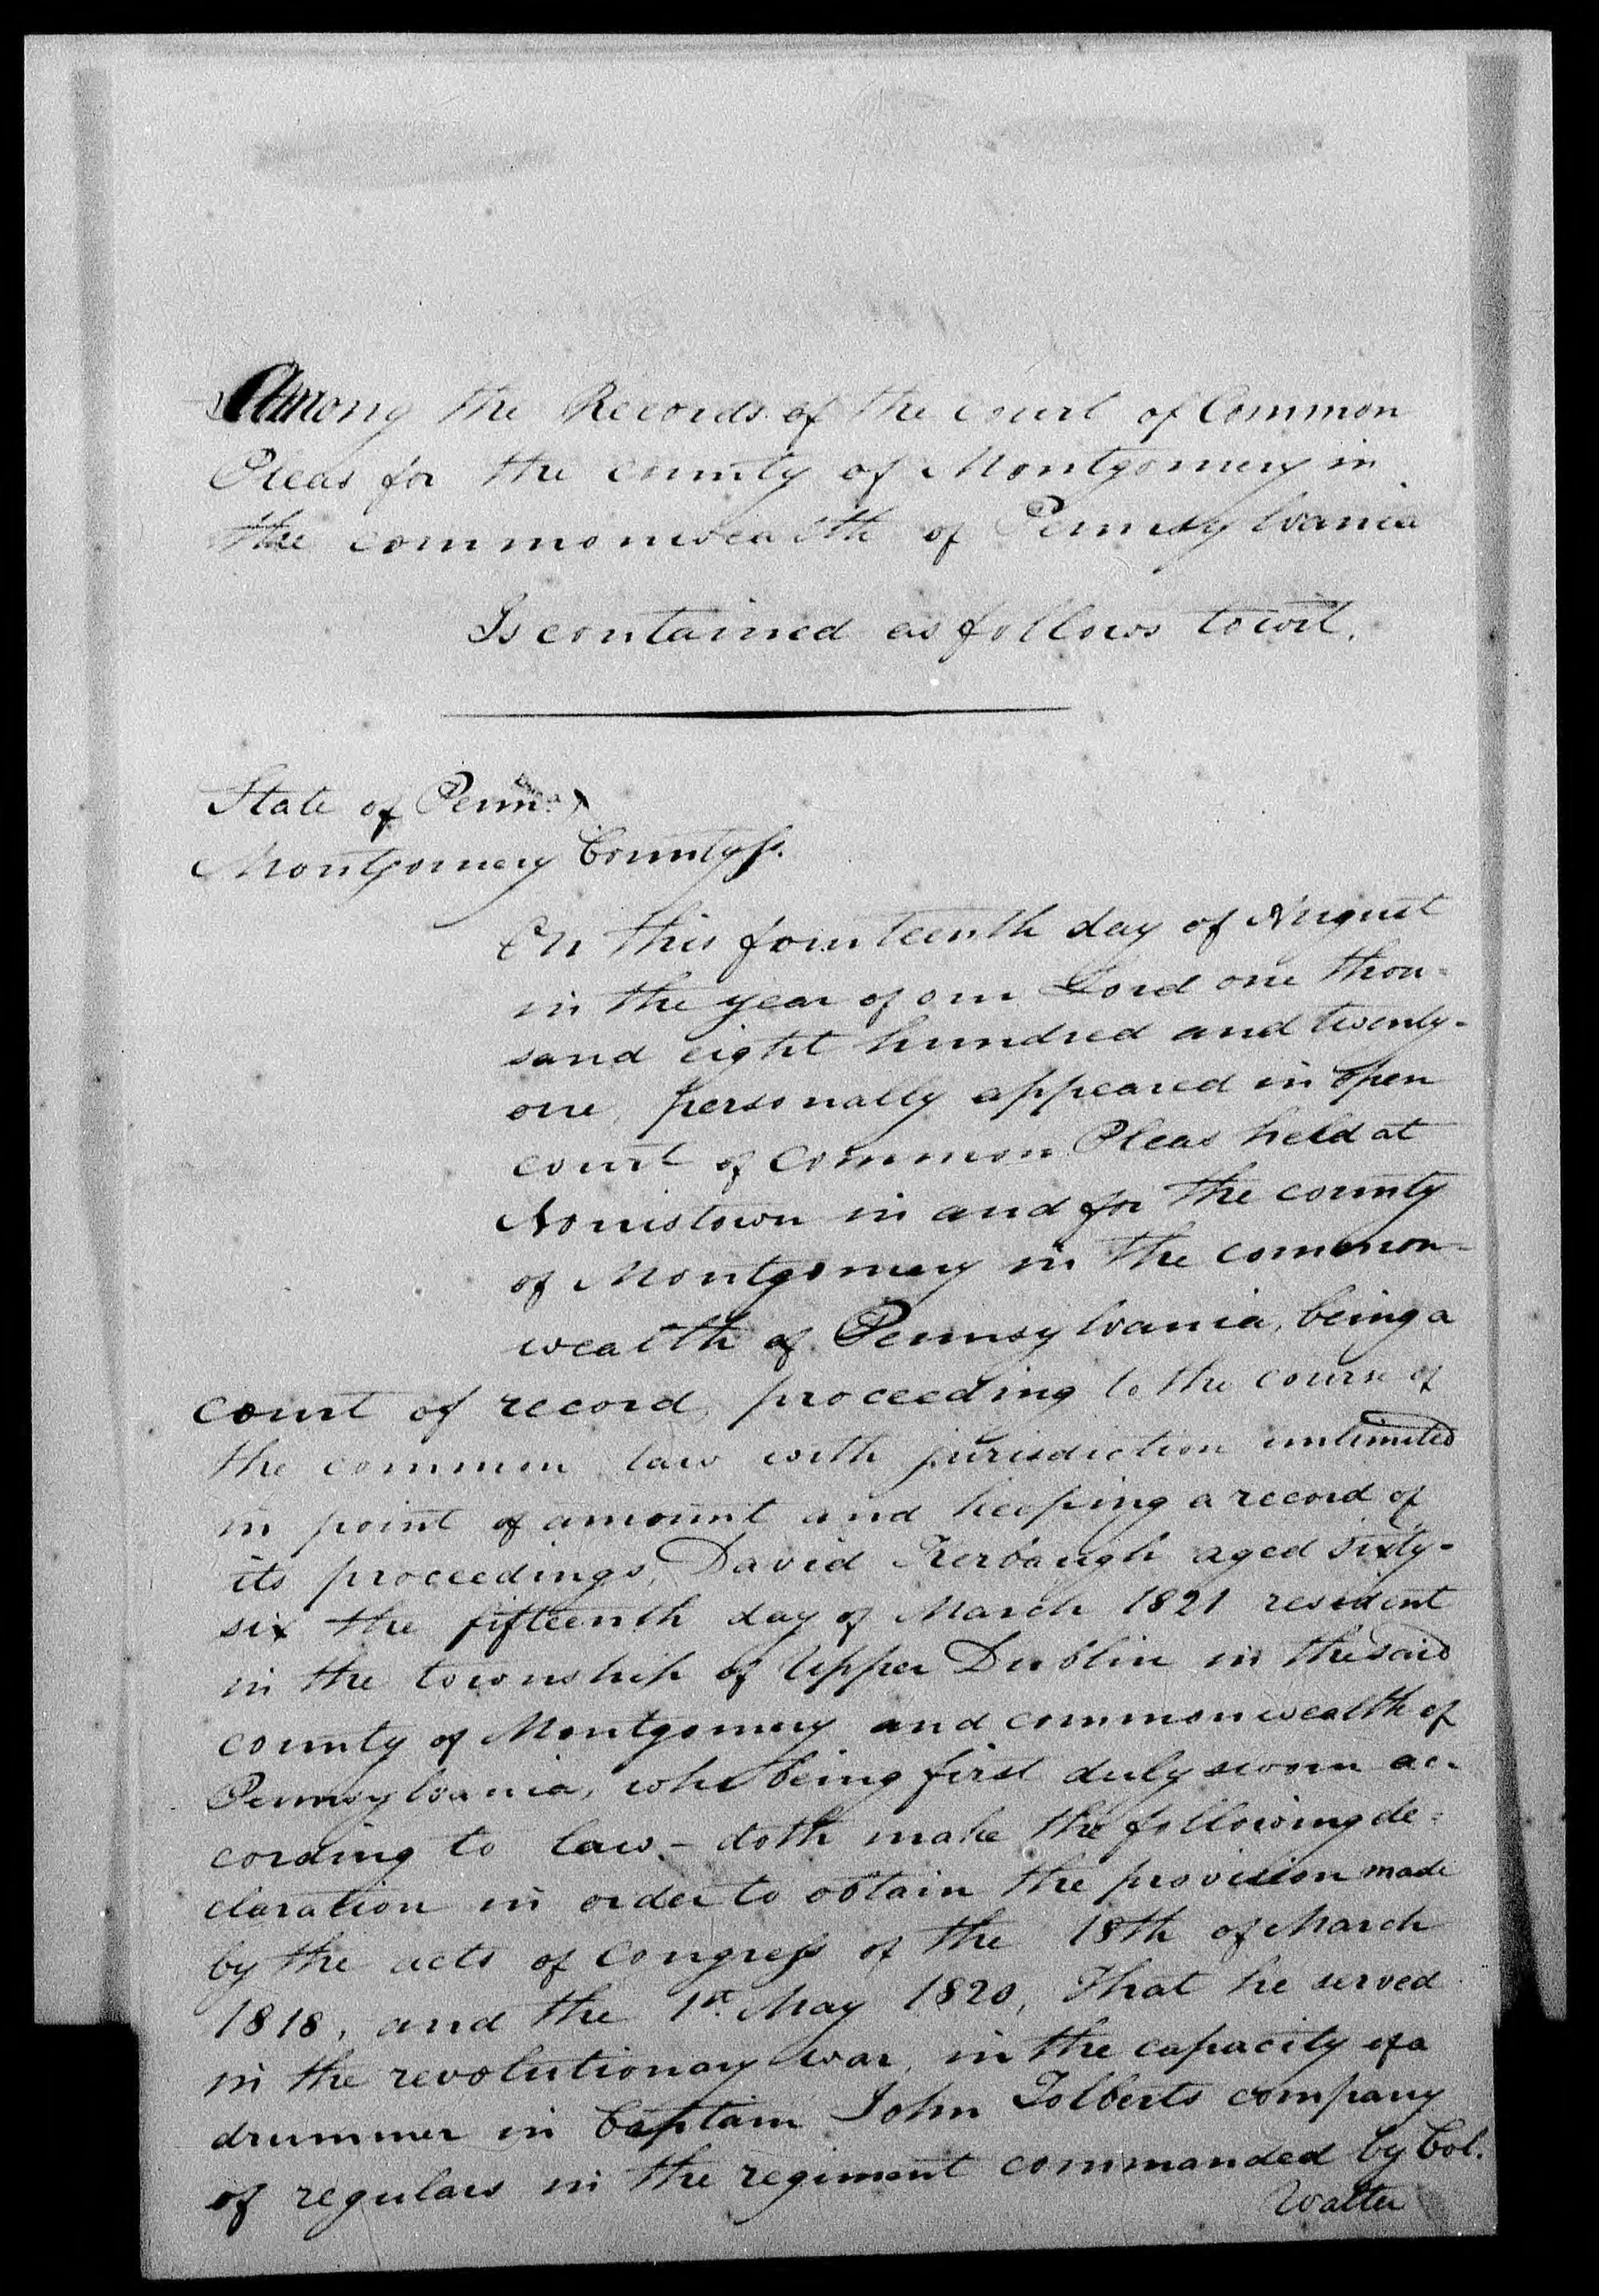Among the records of the Court of Common Pleas for the county of Montgomery in the Commonwealth of Pennsylvania is contained as follows, to wit.
________________________________________
State of Penna.
Montgomery County) ss

    On this fourteenth day of August in the year of our Lord one thousand eight hundred and twenty-one, personally appeared in open court of Common Pleas held at Morristown in and for the County of Montgomery in the Commonwealth of Pennsylvania being a court of record, proceeding to the course of the common law with jurisdiction unlimited in point of amount and keeping record of its proceeding, David Kirbaugh aged sixty-six the fifteenth day of March 1821 resident in the township of Upper Dublin in the said county of Montgomery, and Commonwealth of Pennsylvania, who being first duly sworn according to law doth make the following declaration in order to obtain the provisions made by the Acts of Congress if the 18th of March 1818, and the 1st May 1820. That he served in the Revolutionary War in the capacity of drummer in Captain John Tolbert's company of regulars in the regiment commanded by Col. Walter (next page)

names: David Kerbaugh; [BLANK] Walter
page: 4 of 13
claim: survivor's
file: S. 39,800, for David Kerbaugh, Pennsylvania